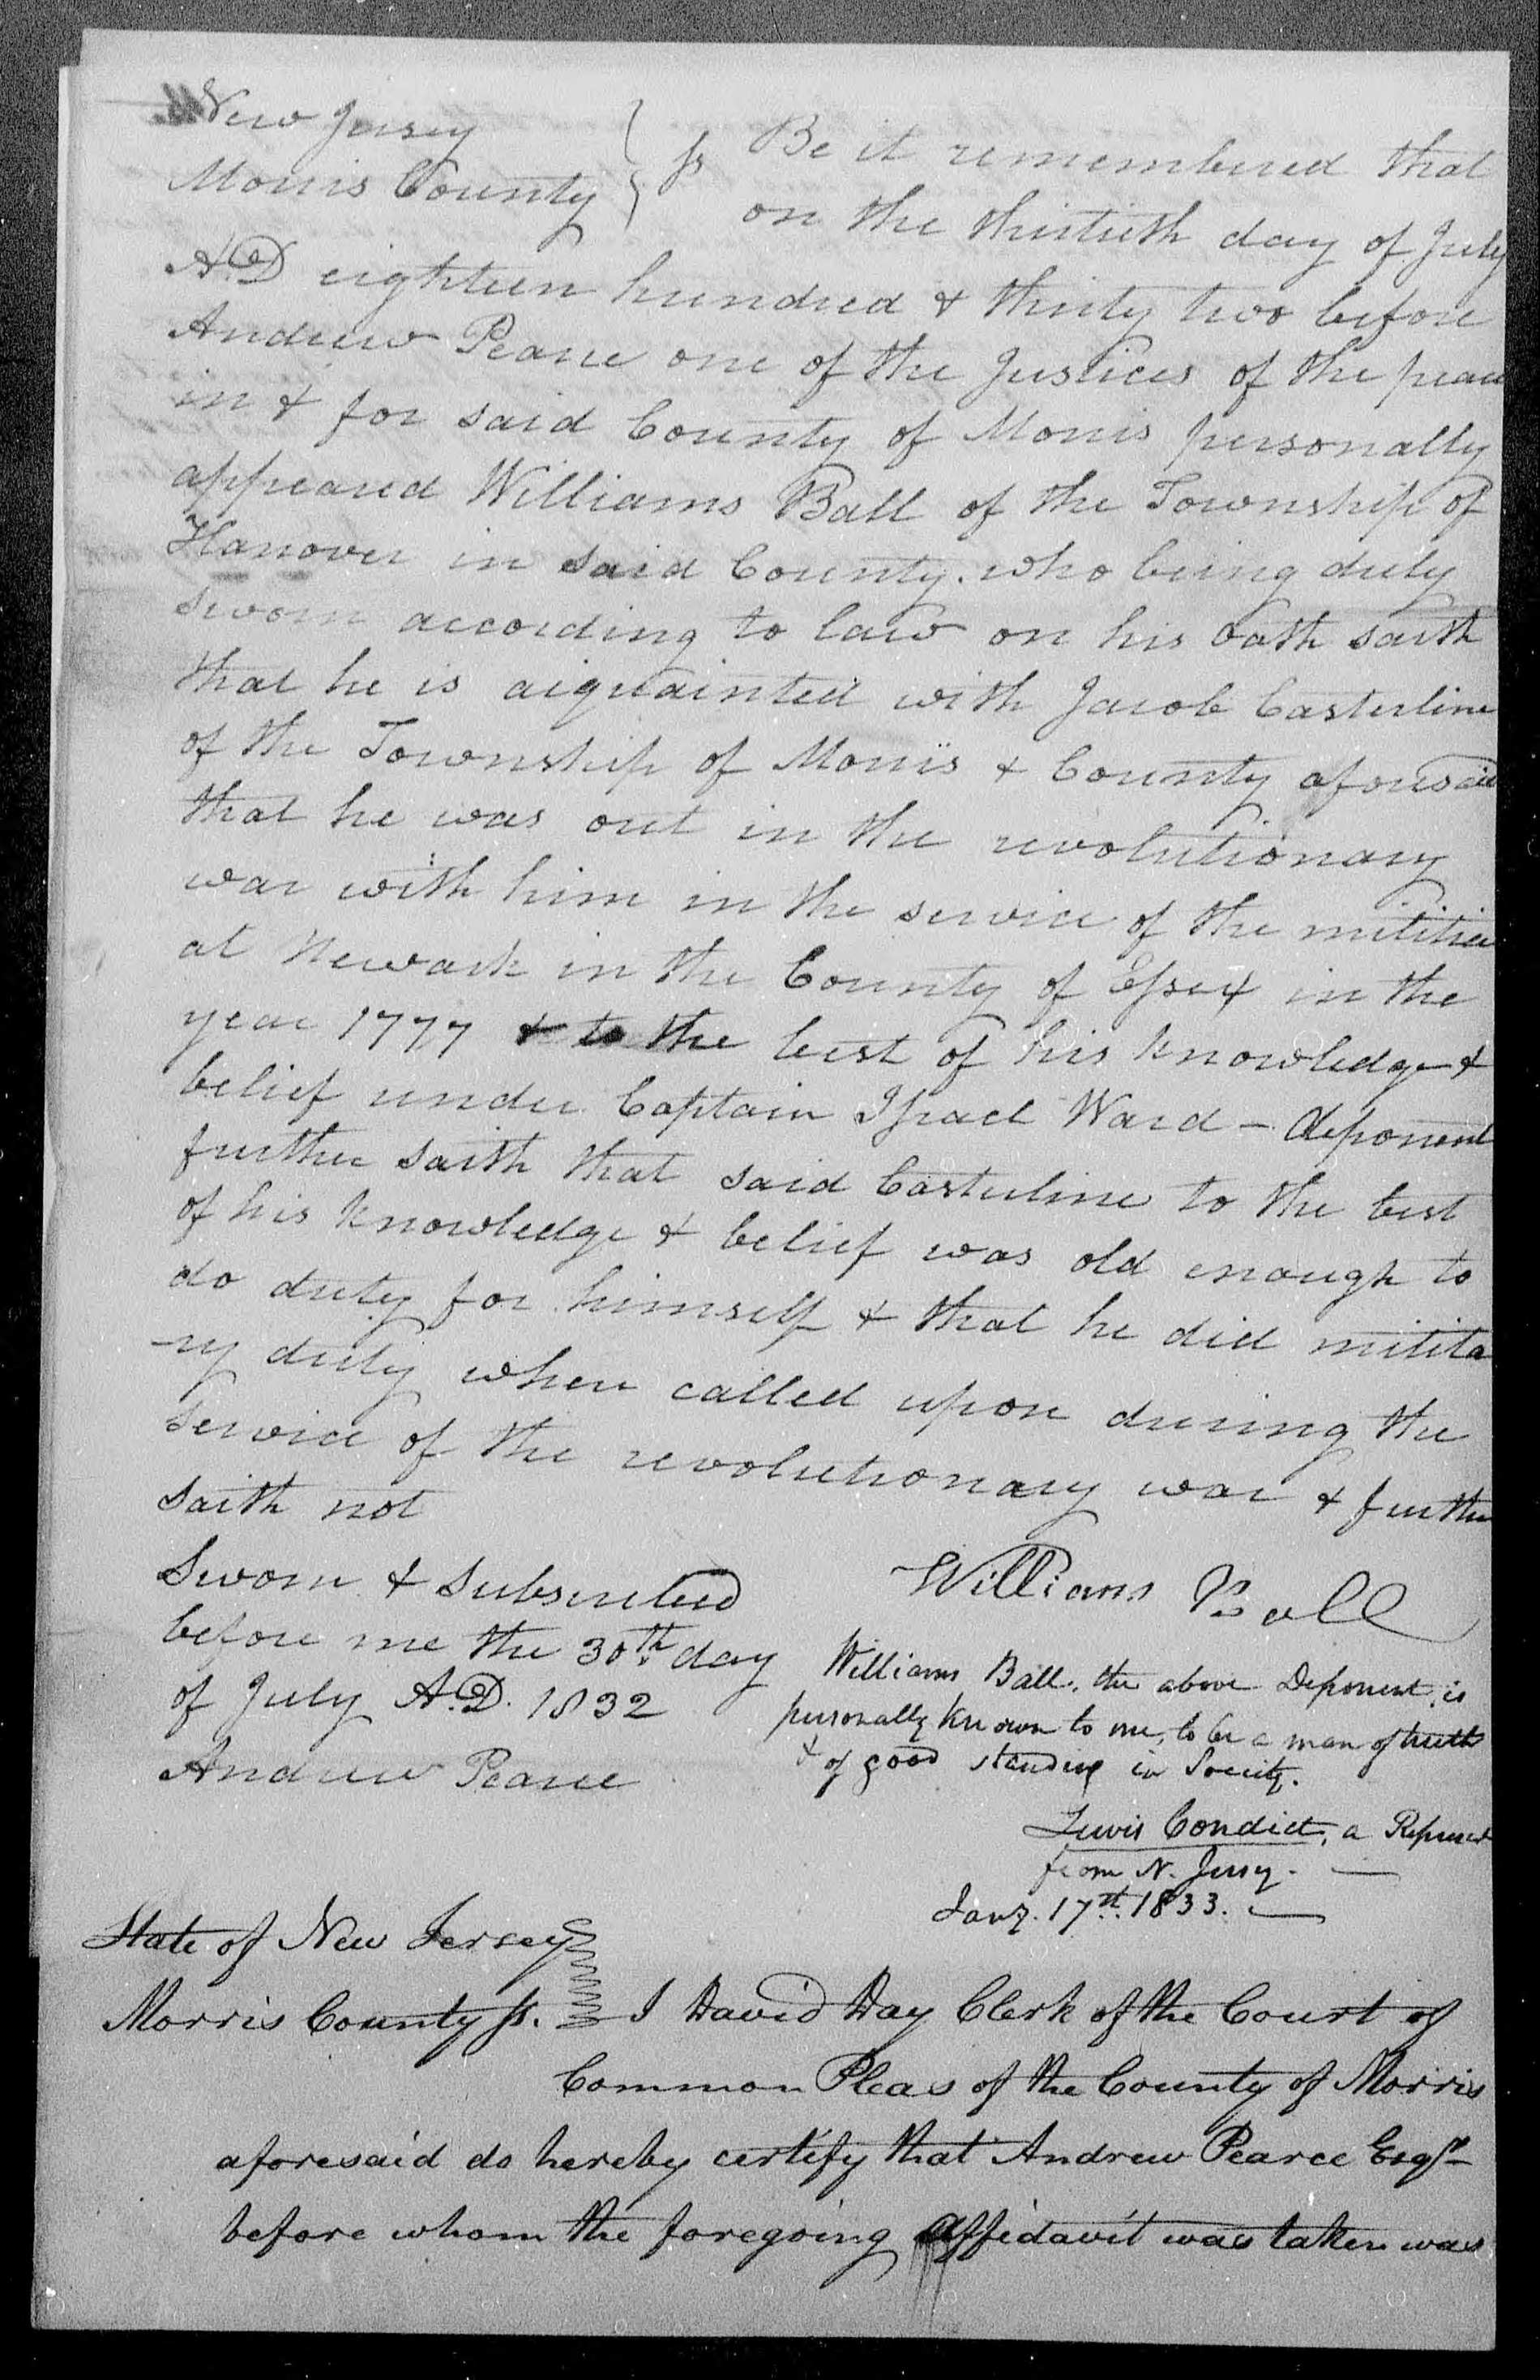New Jersey
Morris County
Be it remembered that on the thirteenth day of July AD eighteen hundred and thirty two before Andrew Pearce one of the Justices of the peace in and for said county of Morris personally appeared Williams Ball of Morris of the township of Hanover in said county. Who being duly sworn according to law on his oath saith that he is acquainted with Jacob Casterline of the township of Morris and county aforesaid that he was out in the revolutionary war with him in the service of the militia at Newark in the County of Essex in the year 1777 and to the best of his knowledge and belief under Captain Isaac Ward - deponent further saith that said Casterline to the best of his knowledge and belief was old enough to do duty for himself and that he did military duty when called upon dressing the service of the revolutionary war and further saith not. 
Sworn and subscribed before me the 30th day of July AD 1832
Andrew Pearce

Williams Ball
William ball, the above deponent is personally known to me to be a man of truth and good standing in society.
Lewis Condict, a Representative from N. Jersey
Jany 17th 1833

State of New Jersey
Morris County 
I David Day Clerk of the Court of Common Pleas of the County of Morris aforesaid do hereby certify that Andrew Pearce Esq. before whom the foregoing affidavit was taken was [end of page]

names: Williams Ball, Andrew Pearce, Jacob Casterline, Israel Ward, Andrew Pearce, Casterline, Williams Ball, Andrew Pearce, Williams Ball, Lewis Condict, David Day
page: 23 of 38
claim: widow's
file: W. 6644, Jacob Casterline, New Jersey